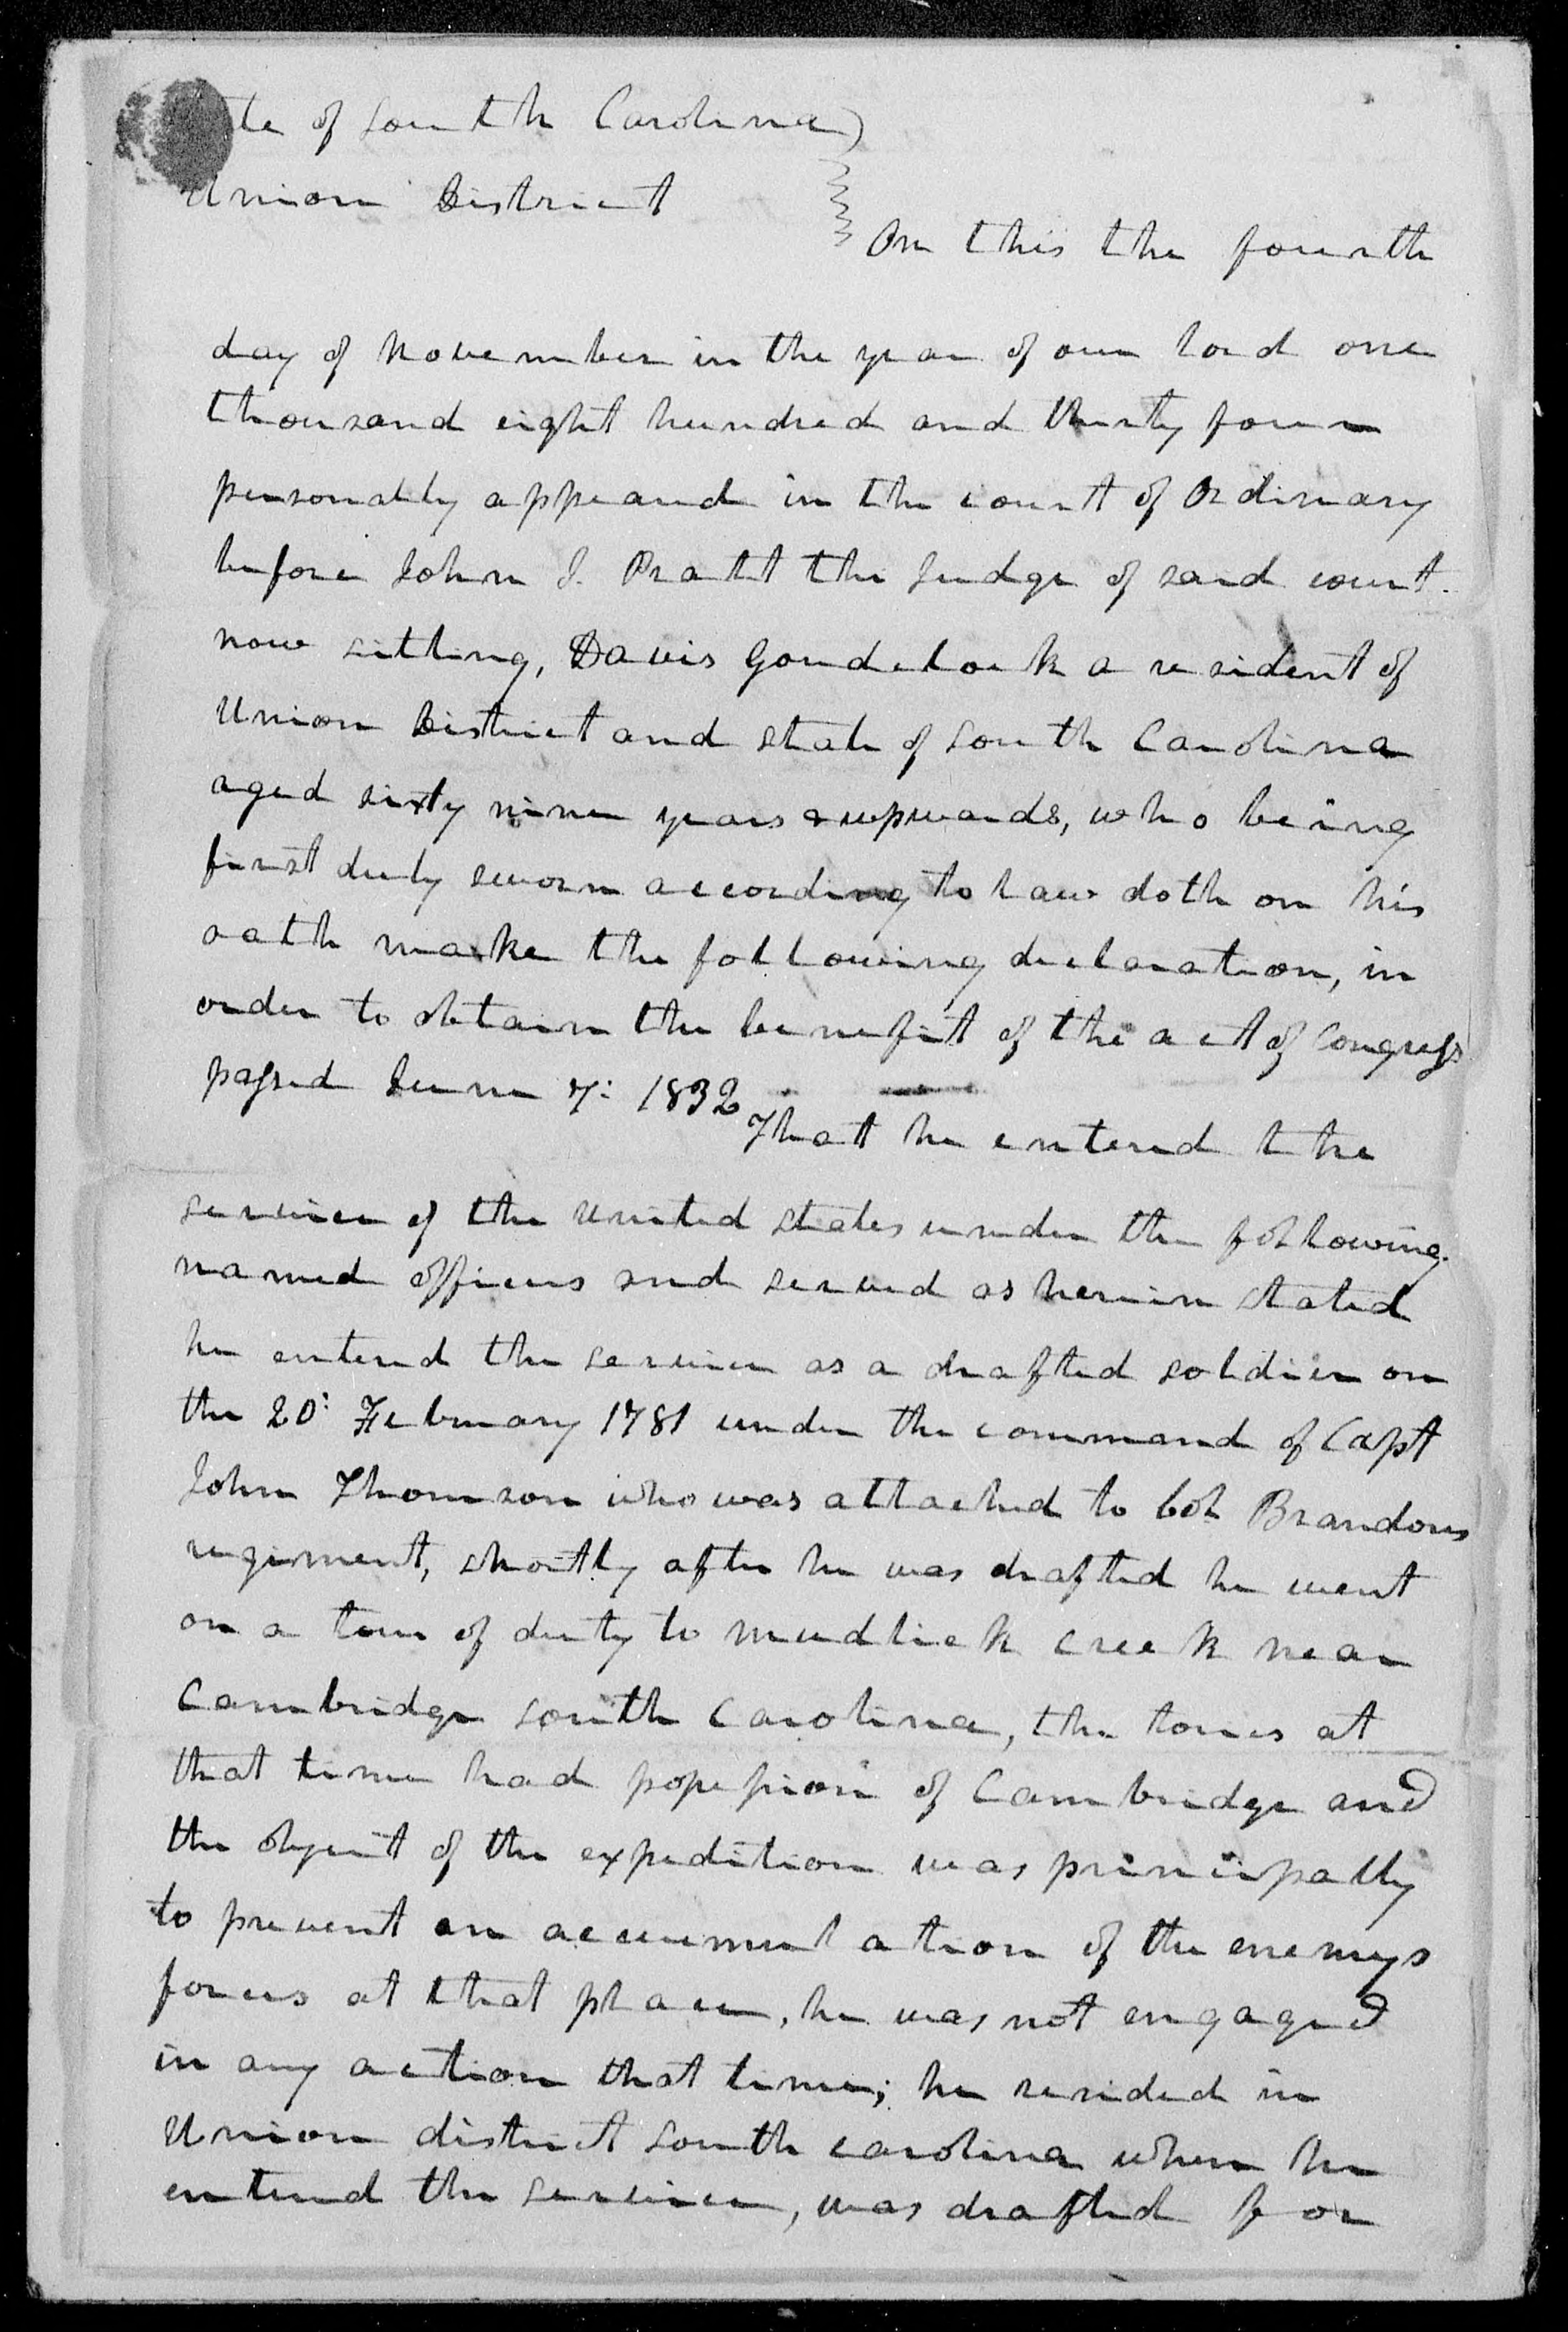te of South Carolina }
Union District }  On this the fourth day of November in the year of our Lord one thousand eight hundred and thirty four personally appeared in the Court of Ordinary before John J. Pratt the Judge of said court now sitting, Davis Goudelock a resident of Union District and State of South Carolina aged sixty nine years & upwards, who being first duly sworn according to law doth on his oath make the following declaration, in order to obtain the benefit of the act of Congress passed June 7: 1832
That he entered the service of the United States under the following named officers and served as herein stated
he entered the service as a drafted soldier on the 20 February 1781 under the command of Capt John Thomson who was attached to Col Brandons regiment, shortly after he was drafted he went on a tur of duty to Mudlick Creek near Cambridge South Carolina, the tories at that time had possession of Cambridge and the object of the expedition was principally to prevent an accumulation of the enemys forces at that place, he was not engaged in any action that time; he resided in Union district South Carolina when he entered the service, was drafted for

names: Davis Goudelock, John J Pratt, John Thomson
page: 3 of 18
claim: survivor's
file: S. 21,236, Davis Goudelock, S.C.